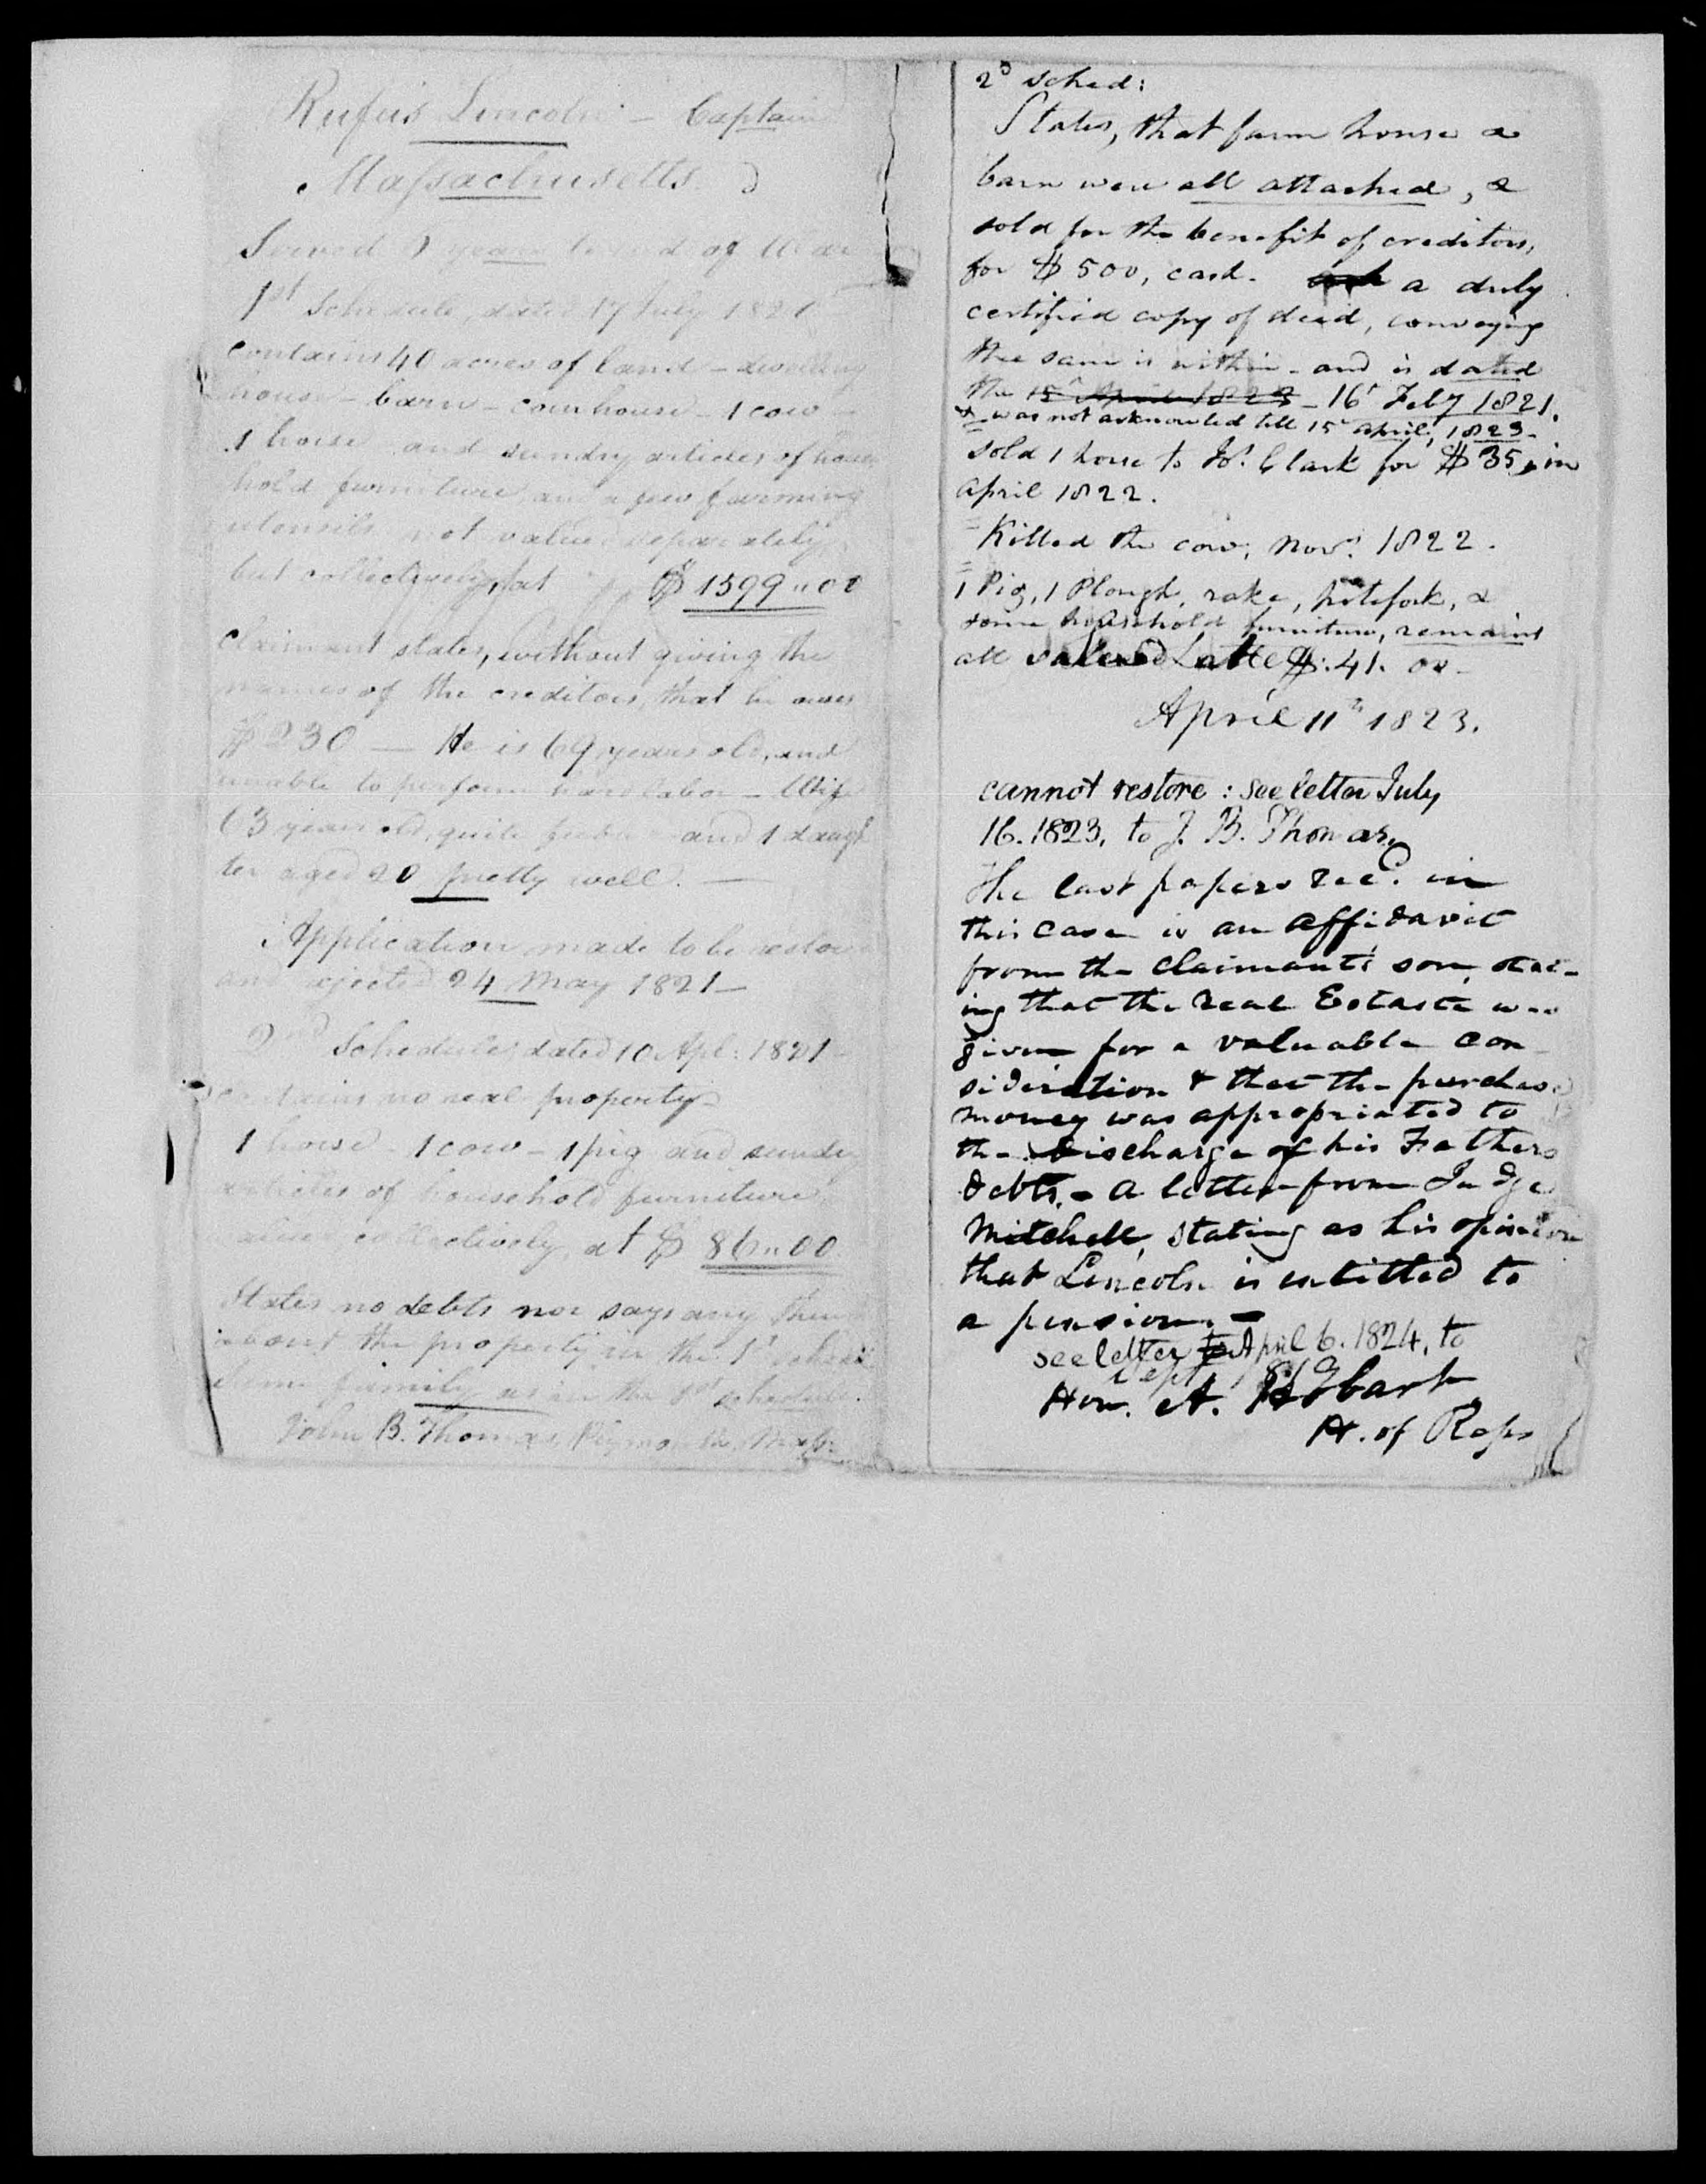Rufus Lincoln, Captain
---
Massachusetts
I served 6 years to end of war 1st Schedule, dated 17 July 1821- contains 40 acres of land-dwelling house-barn-- corn house--1 cow-
1 horse and sundry articles of household furniture and a few farming utensils not valued separately but collectively at $1599.00
claimant states, without giving the names of the creditors, that he owes $230--He is 69 years old, and unable to perform hard labor- wife 63 years old, quite feeble quit full and 1 daughter aged 20 pretty well.-
Application made to be restored and rejected 24 May 1821-
2nd Schedules dated 10 Apl. 1821- contains no real property- 1 -horse-1 cow-1 pig and sundry articles of household furniture valued
collectively at $86.00
States no debts nor says any thing about the property in the 1st schedule- claims  family as in  2nd Sched
John B. Thomas Plymouth Massachusetts

2nd Sched States, that farm house & barn
were all attached, & sold for the benefit of creditors, for $500, cash. a duly certified copy of deed, conveying the same is -and is dated
the 16 Feby 1821. & was not acknowleged till 15 April 1823-sold 1 horse to Jos Clark for $35 in April 1822.
Killed the cow, Nov. 1822. 1 pig, 1 Plough, rake, pitchfork, & some household furniture, remains all valued at $41.00

April 11th 1823.
cannot restore: see letter July 16. 1823, to J. B. Thomas. The last papers &c in this case is an Affidavit from the claimant's son stating that the Real Estate was given for a valuable 
consideration & that the purchase money was appropriated to the discharge of his Father's
debts - a letter from Judge Mitchell, stating as his opinion that Lincoln is entitled to a pension
   See letter April 6, 1824 to Sept 1819

Hon. A. Hobart
 H. of Reps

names: Rufus Lincoln; A Hobart; John B Thomas; Jos Clark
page: 22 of 82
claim: widow's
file: W. 13,634, for Rufus Lincoln, Massachusetts